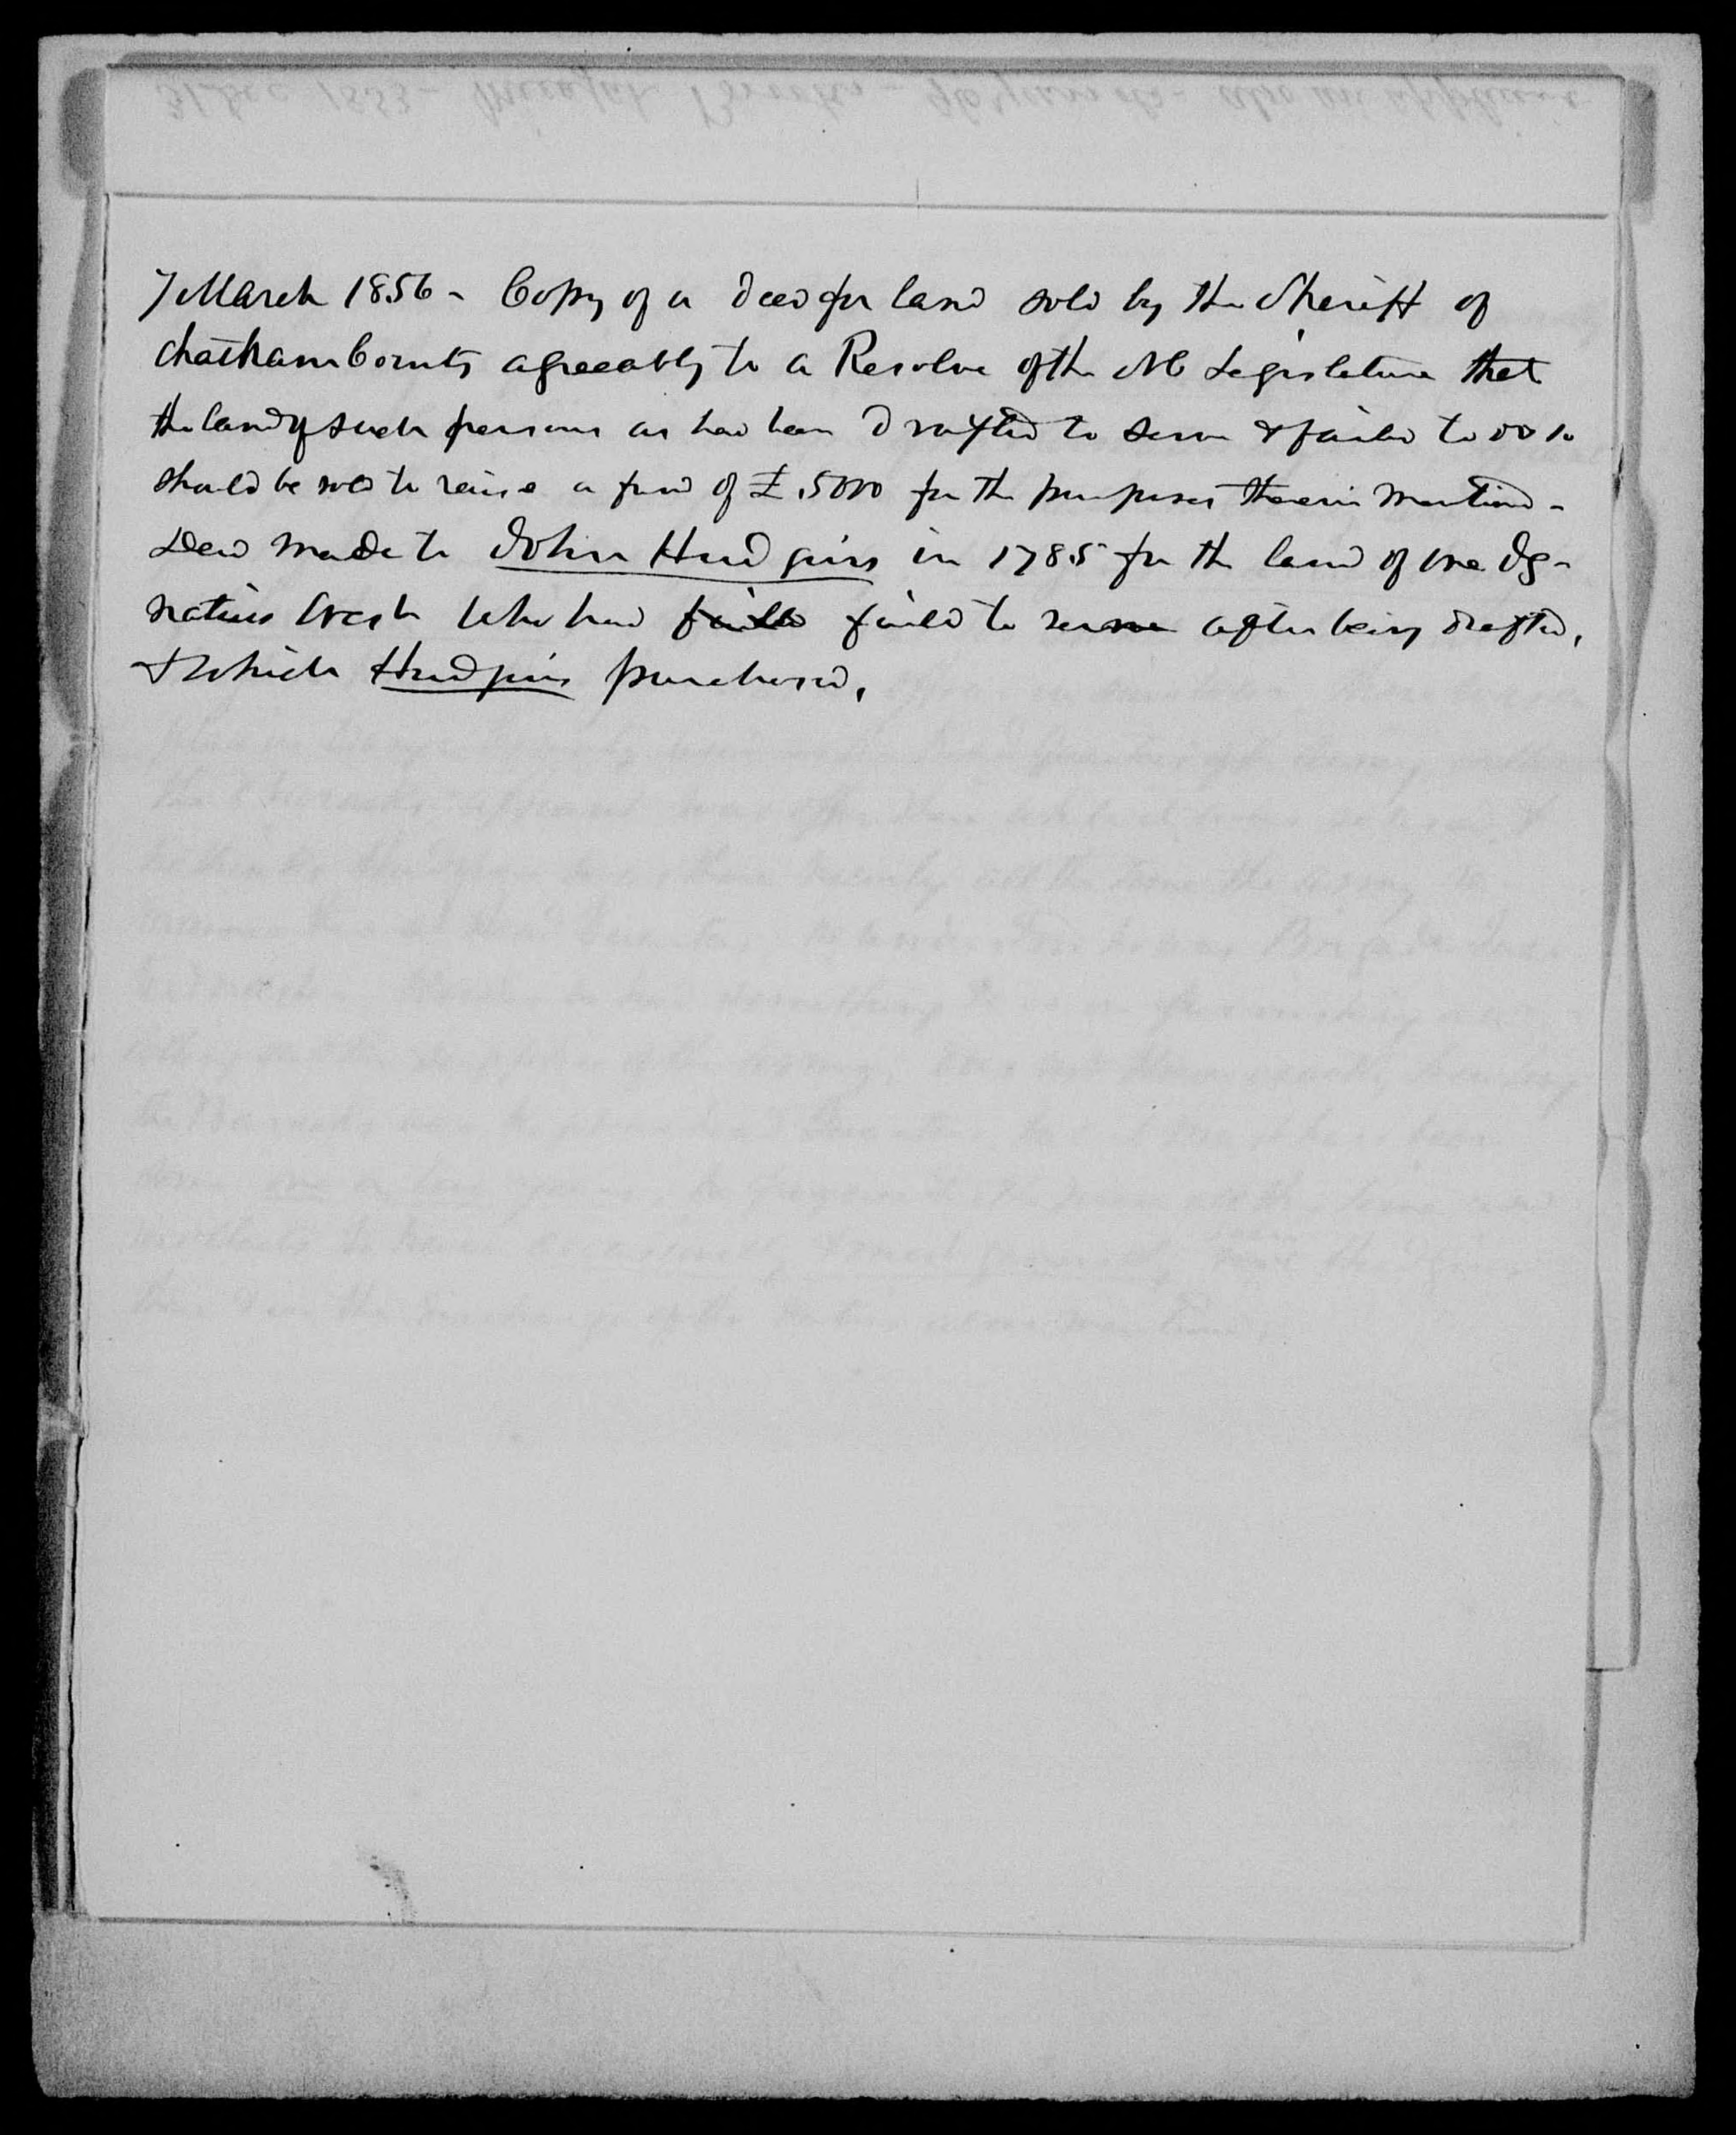Jellarch 1856 - Copy of a deed for land sold by the Sheriff of Chatham County agreeably to a Resolve of the NC Legislature that the land of such persons as have been drafted to serve & failed to do so should be sold to raise a few of £.5000 for the purposes therein mentioned. Deed made to John Hudgins in 1785 for the case of one Ignatius West who has failed to serve after being drafted, & which Hudgins purchased.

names: Ignatius West, John Hudgins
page: 56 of 108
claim: rejected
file: R. 7,515, John Hudgins, N.C.